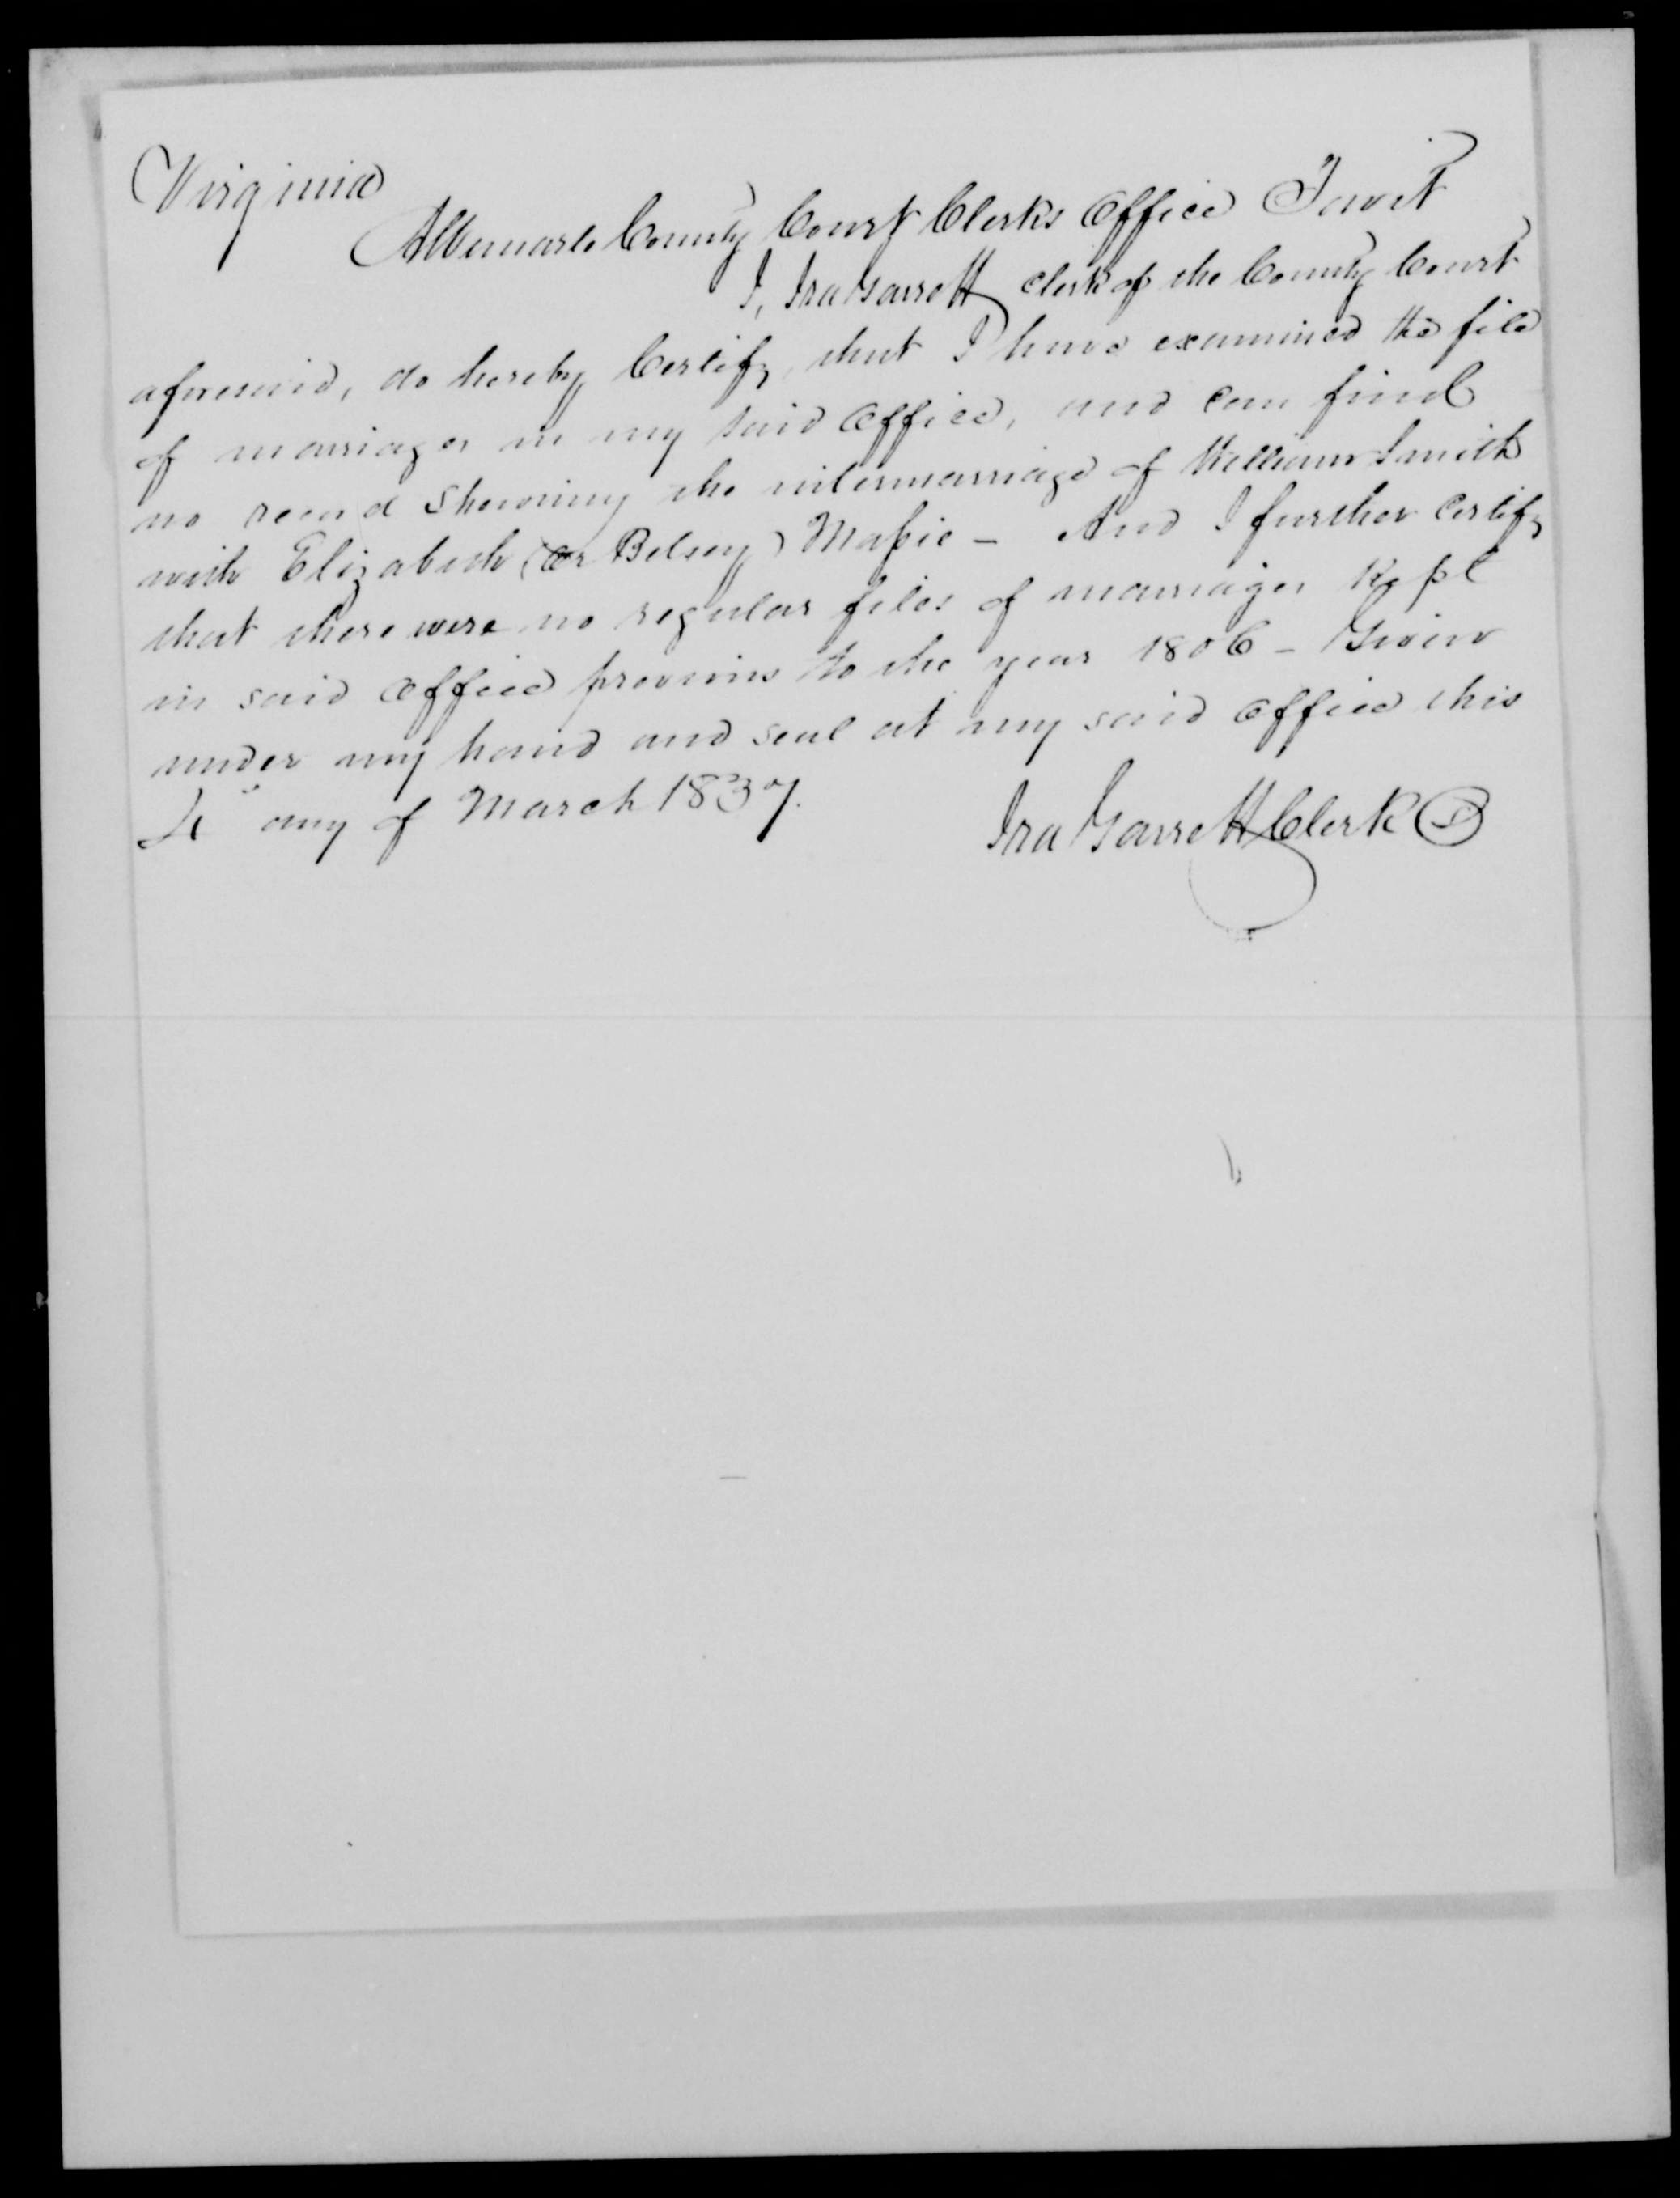Virginia
Albemarle County Court Clerks Office Towit
I, Ira Garrett clerk of the County Court aforesaid, do hereby Certify, that I have examined the file of marriages in my said Office, and can find no record Showing the intermarriage of William Sith with Elizabeth (or Betsey) Massie - And I further certify that there was no regular files of marriages kept in said Office previous to the year 1806 - Given under my hand and seal at my said Office this 4 day of March 1837.
Ira Garrett Clerk {S}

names: Ira Garrett; Elizabeth [BLANK]; Ira Garrett; Betsey [BLANK]; William Smith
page: 16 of 22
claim: widow's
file: W. 4,806, for William Smith, Virginia